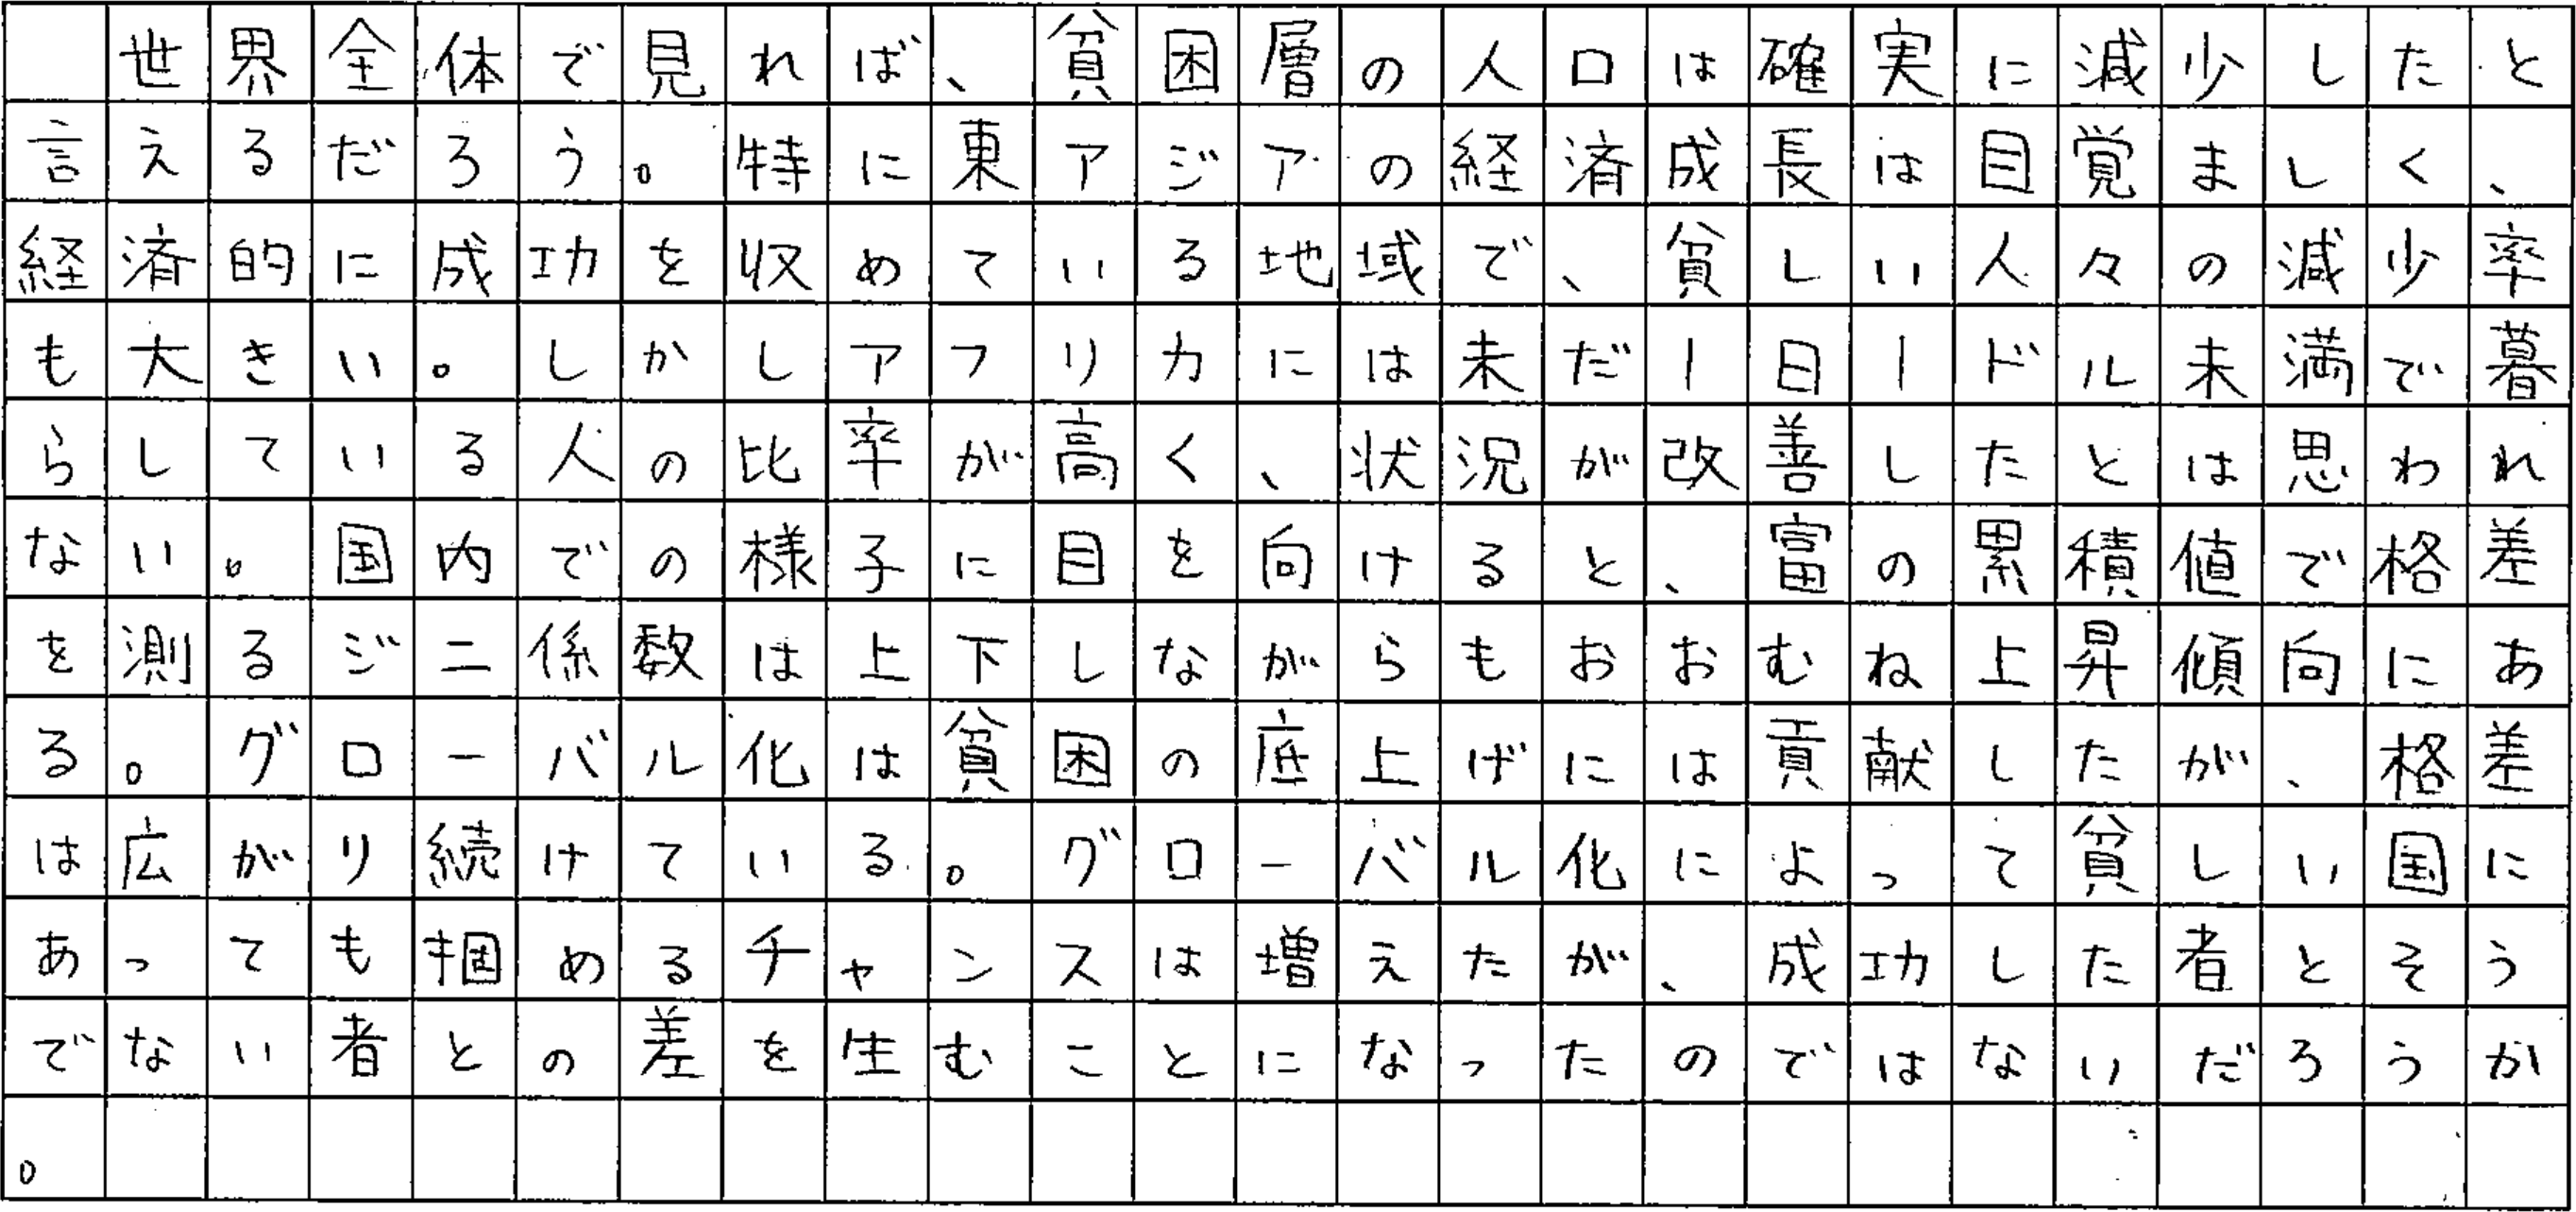　世界全体で見れば、貧困層の人口は確実に減少したと言えるだろう。特に東アジアの経済成長は目覚ましく、経済的に成功を収めている地域で、貧しい人々の減少率も大きい。しかしアフリカには未だ１日１ドル未満で暮らしている人の比率が高く、状況が改善したとは思われない。国内での様子に目を向けると、富の累積値で格差を測るジニ係数は上下しながらもおおむね上昇傾向にある。グローバル化は貧困の底上げには貢献したが、格差は広がり続けている。グローバル化によって貧しい国にあっても掴めるチャンスは増えたが、成功した者とそうでない者との差を生むことになったのではないだろうか。
